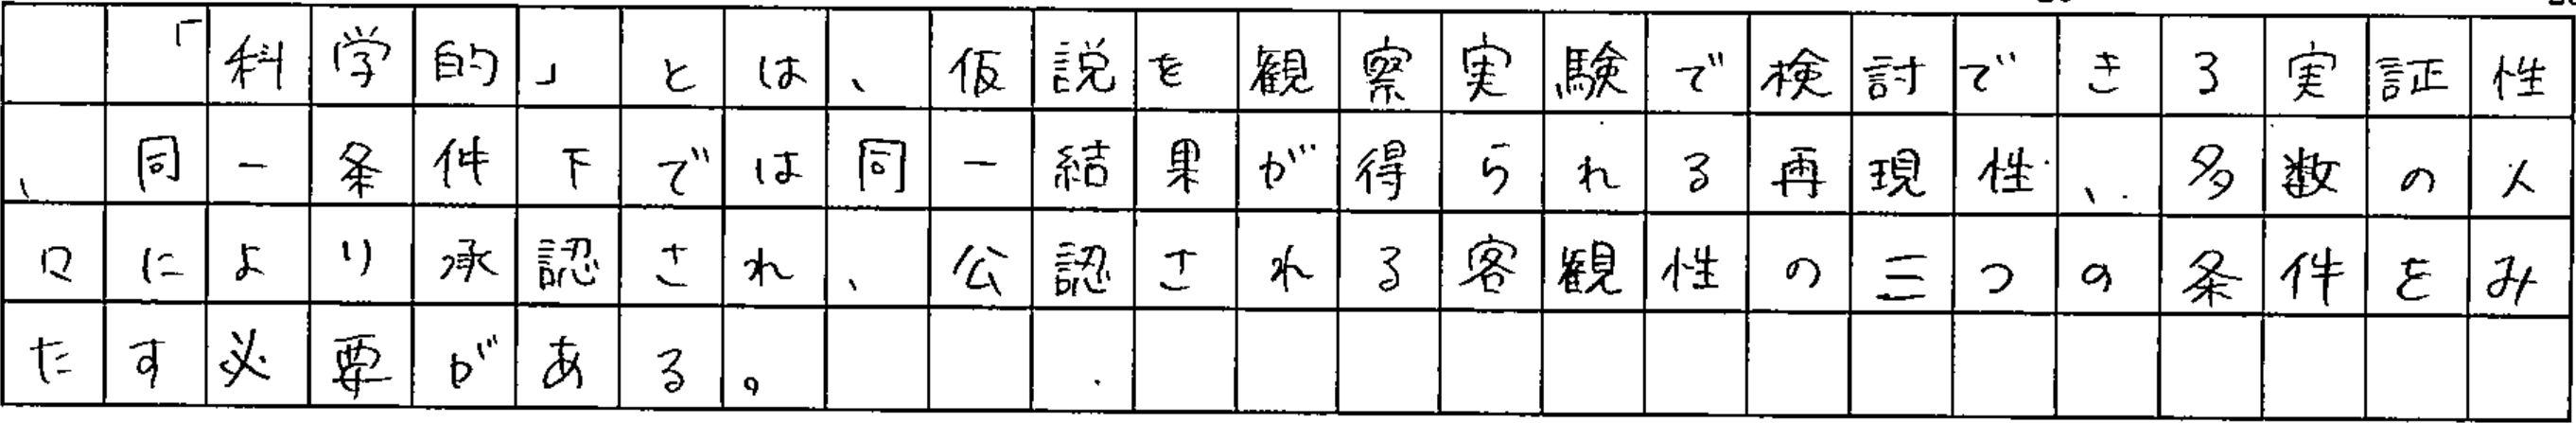　「科学的」とは、仮説を観察実験で検討できる実証性、同一条件下では同一結果が得られる再現性、多数の人々により承認され、公認される客観性の三つの条件をみたす必要がある。
